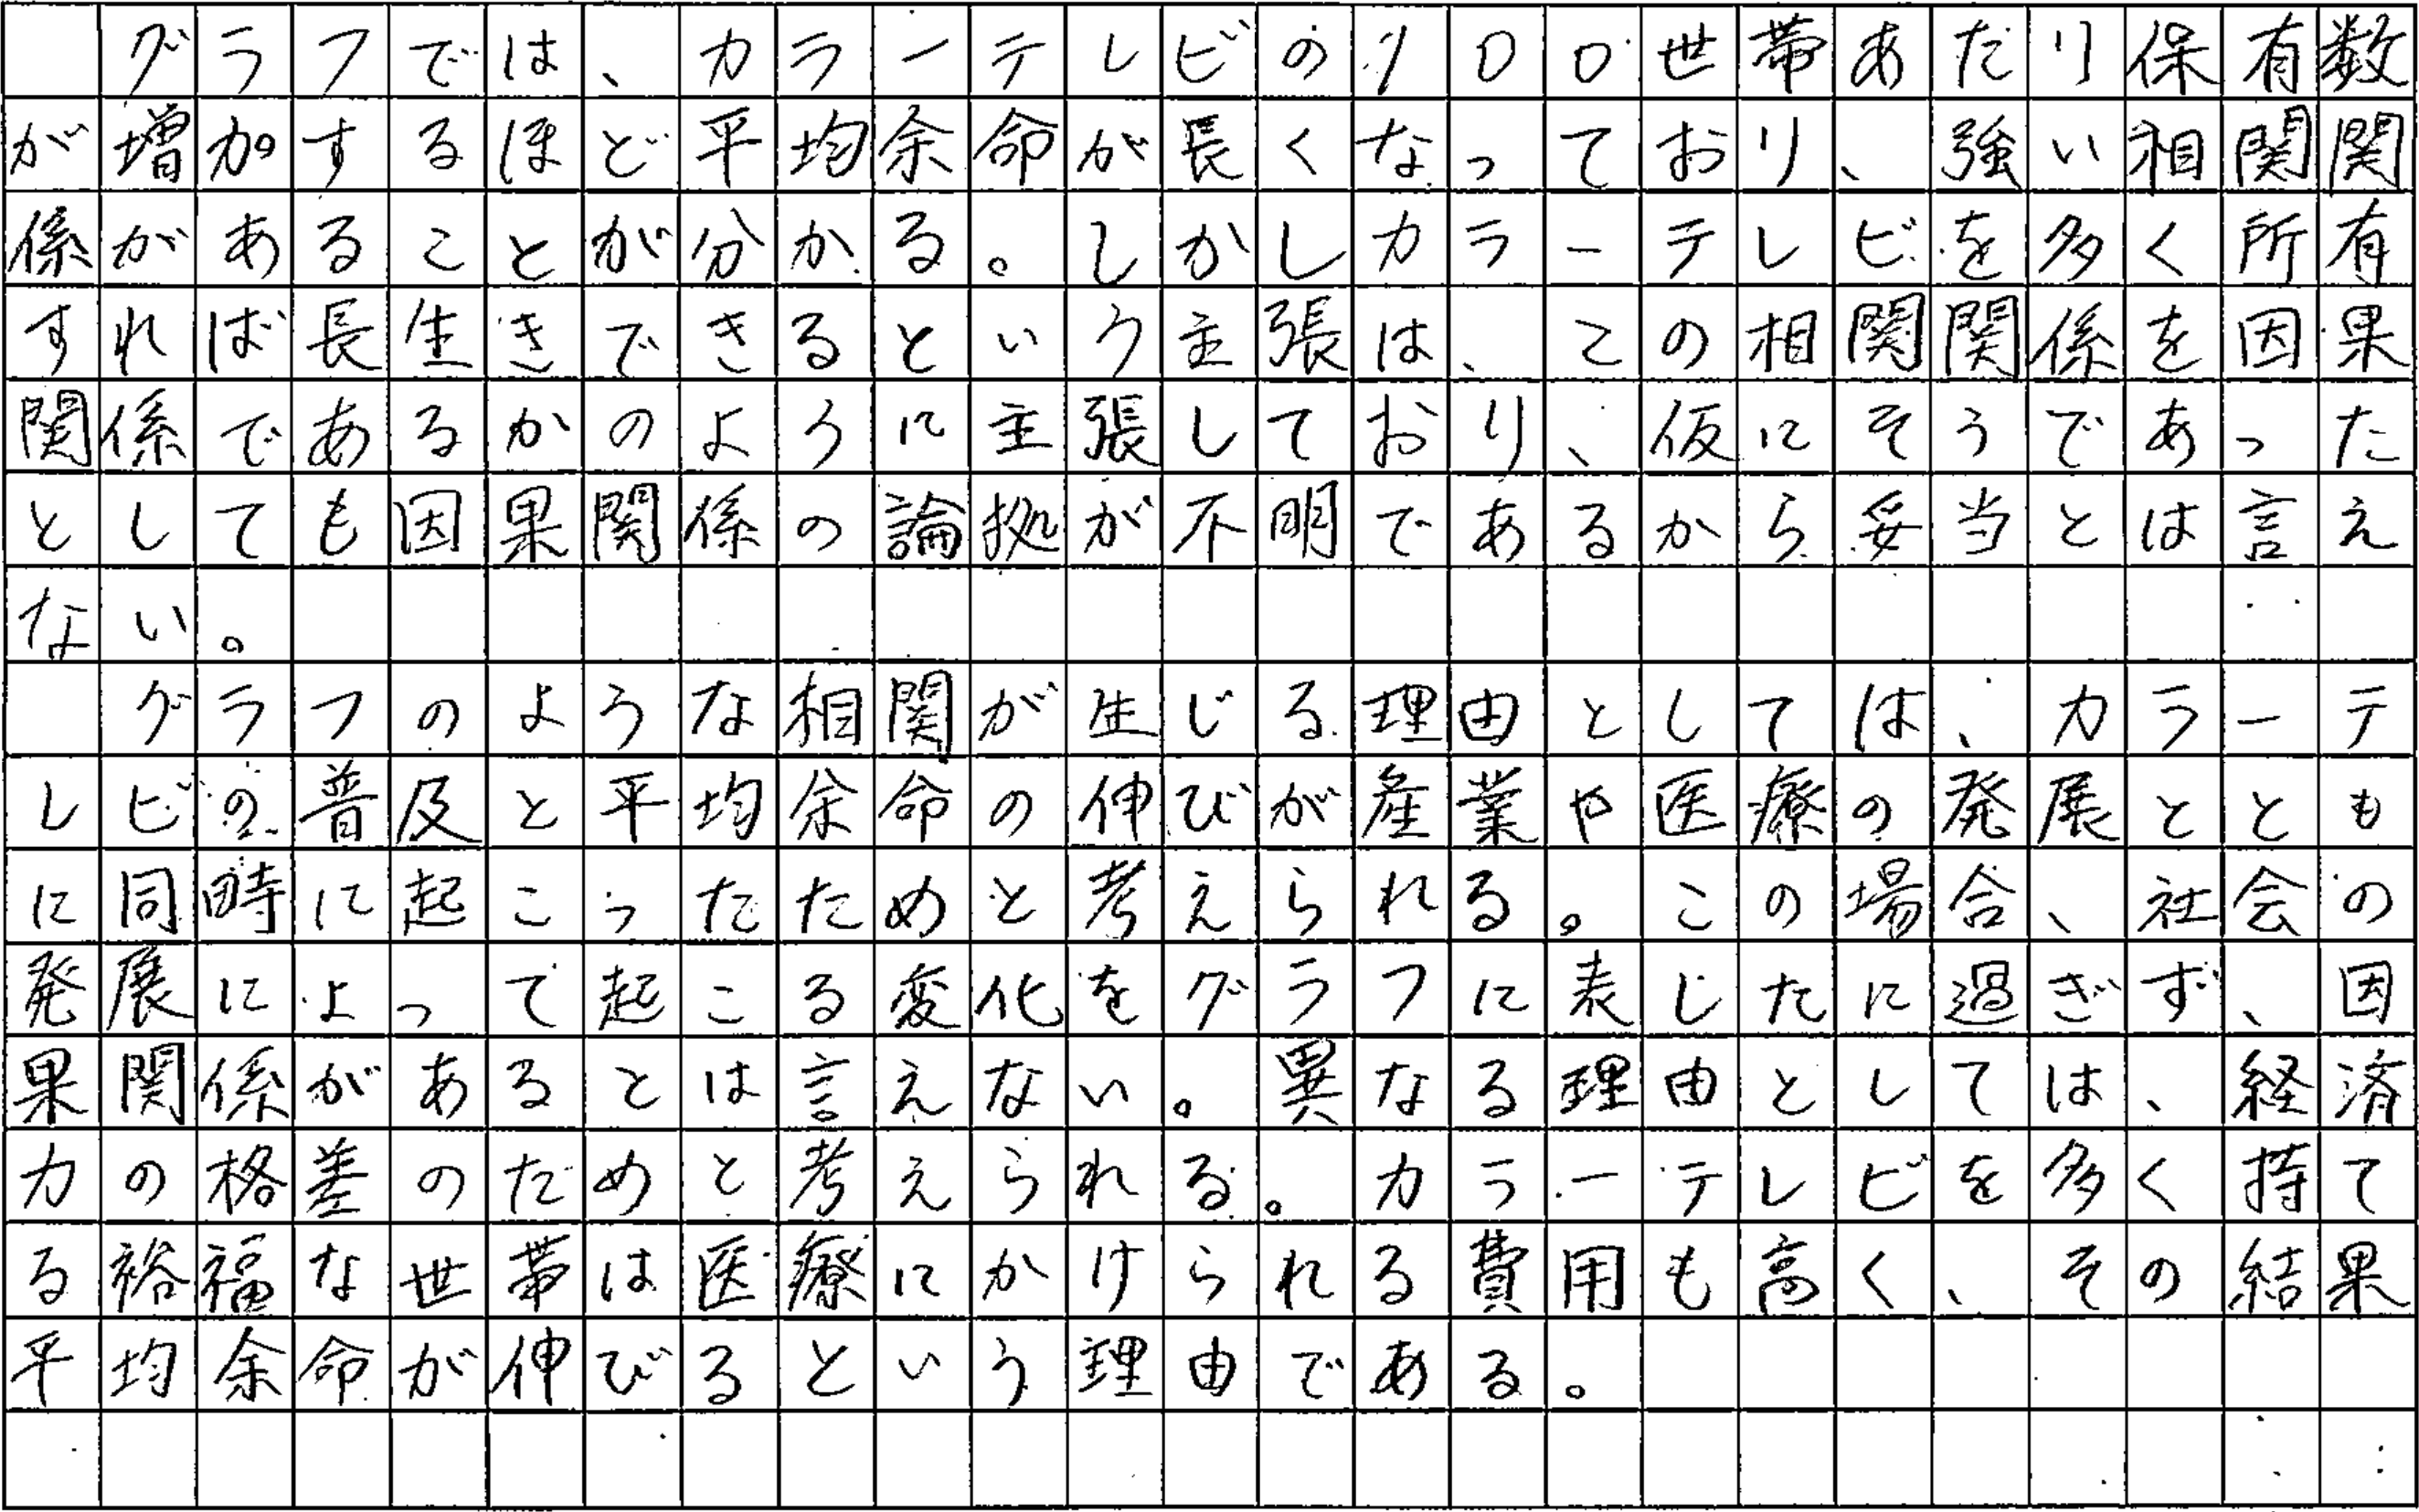　グラフでは、カラーテレビの１００世帯あたり保有数が増加するほど平均余命が長くなっており、強い相関関係があることが分かる。しかしカラーテレビを多く所有すれば長生きできるという主張は、この相関関係を因果関係であるかのように主張しており、仮にそうであったとしても因果関係の論拠が不明であるから妥当とは言えない。
　グラフのような相関が生じる理由としては、カラーテレビの普及と平均余命の伸びが産業や医療の発展とともに同時に起こったためと考えられる。この場合、社会の発展によって起こる変化をグラフに表したに過ぎず、因果関係があるとは言えない。異なる理由としては、経済力の格差のためと考えられる。カラーテレビを多く持てる裕福な世帯は医療にかけられる費用も高く、その結果平均余命が伸びるという理由である。
